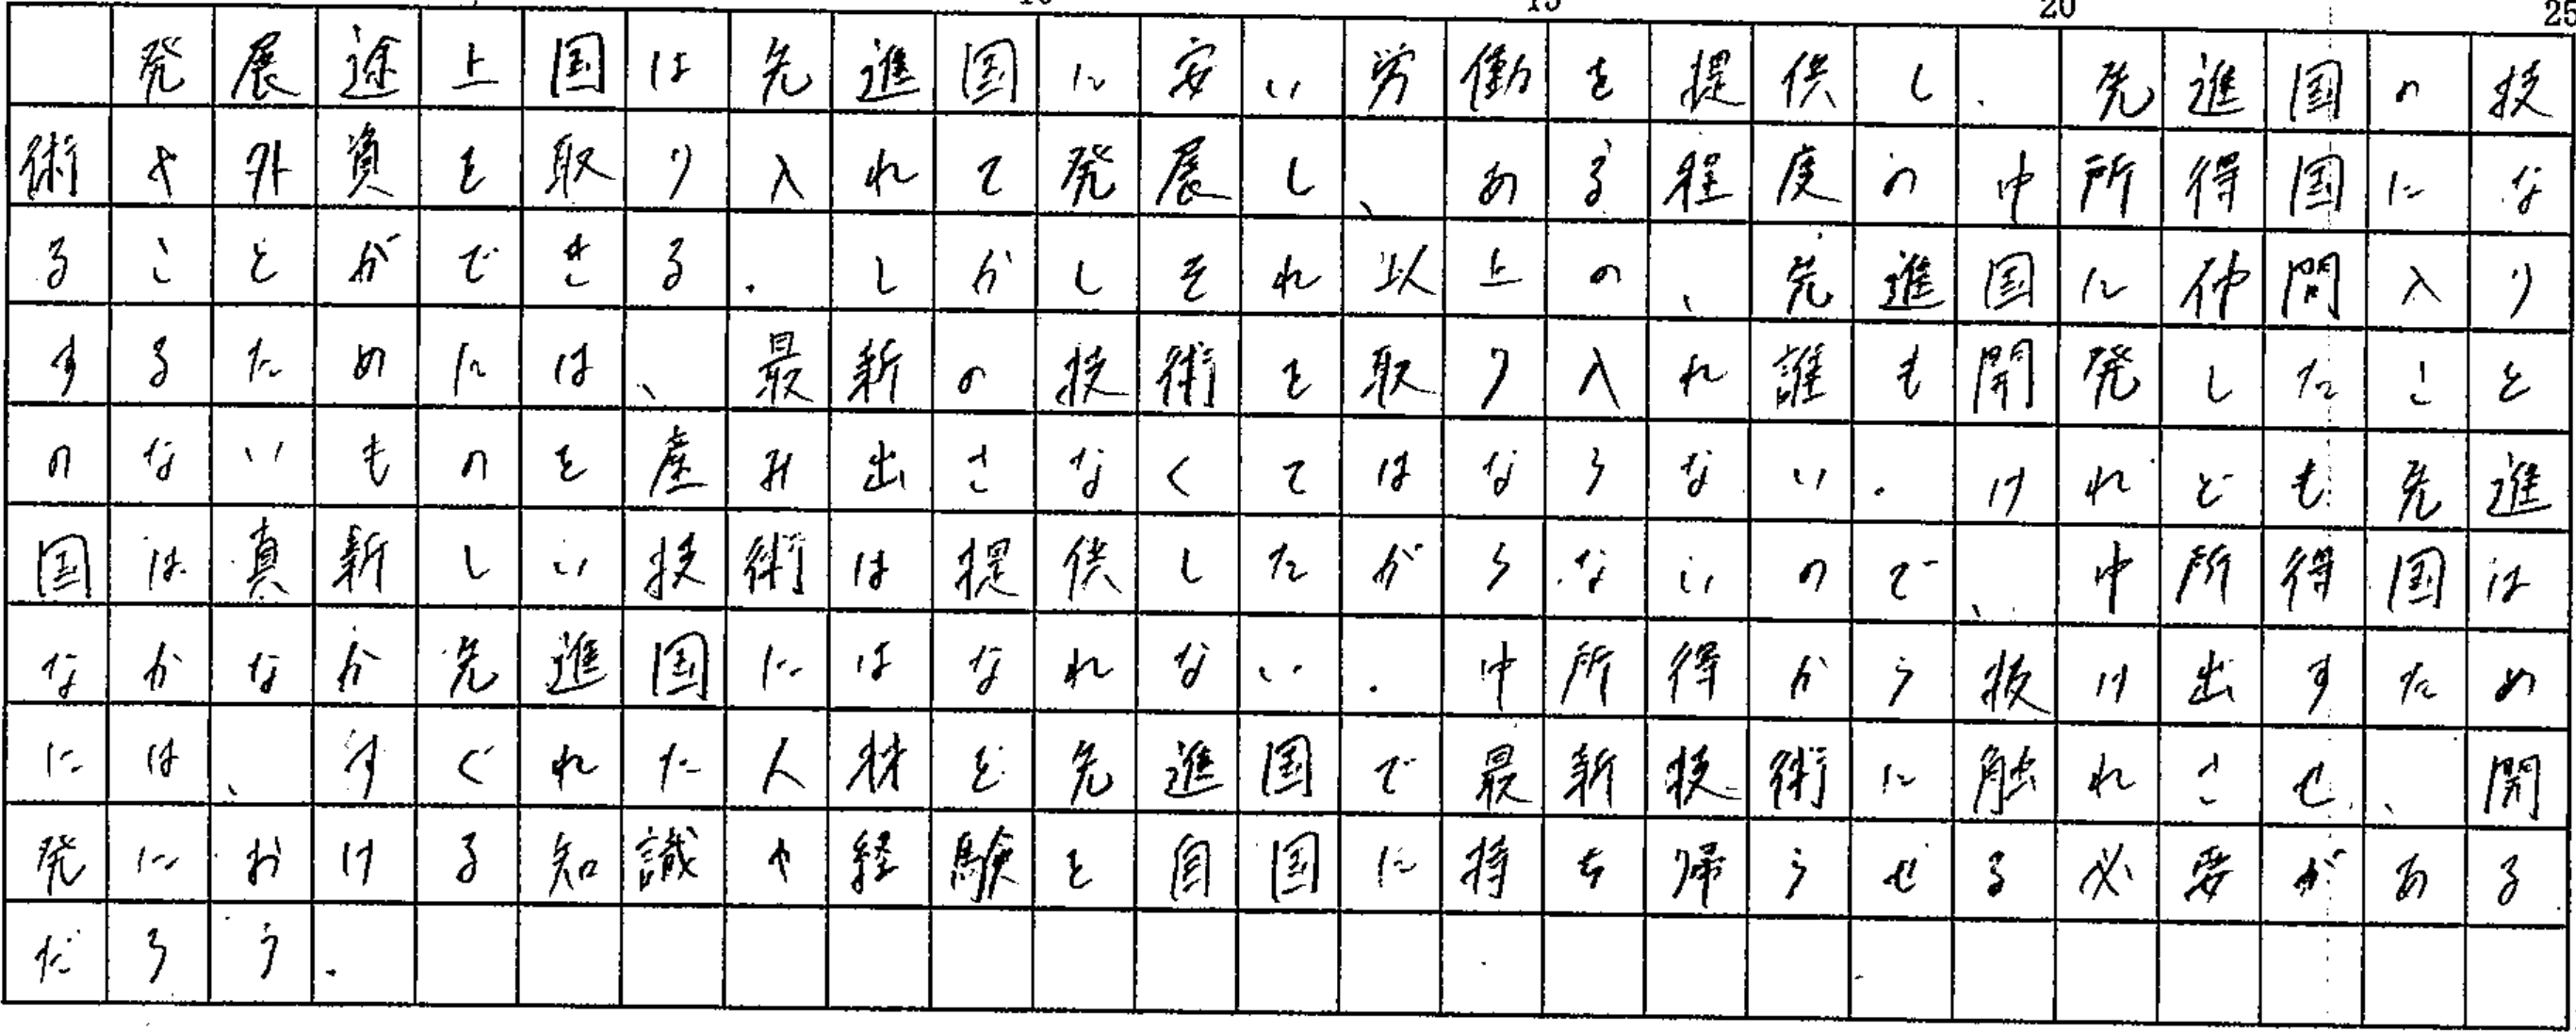　発展途上国は先進国に安い労働を提供し、先進国の技術や外資を取り入れて発展し、ある程度の中所得国になることができる。しかしそれ以上の、先進国に仲間入りするためには、最新の技術を取り入れ誰も開発したことのないものを産み出さなくてはならない。けれども先進国は真新しい技術は提供したがらないので、中所得国はなかなか先進国にはなれない。中所得から抜け出すためには、すぐれた人材と先進国で最新技術に触れさせ、開発における知識や経験を自国に持ち帰らせる必要があるだろう。
